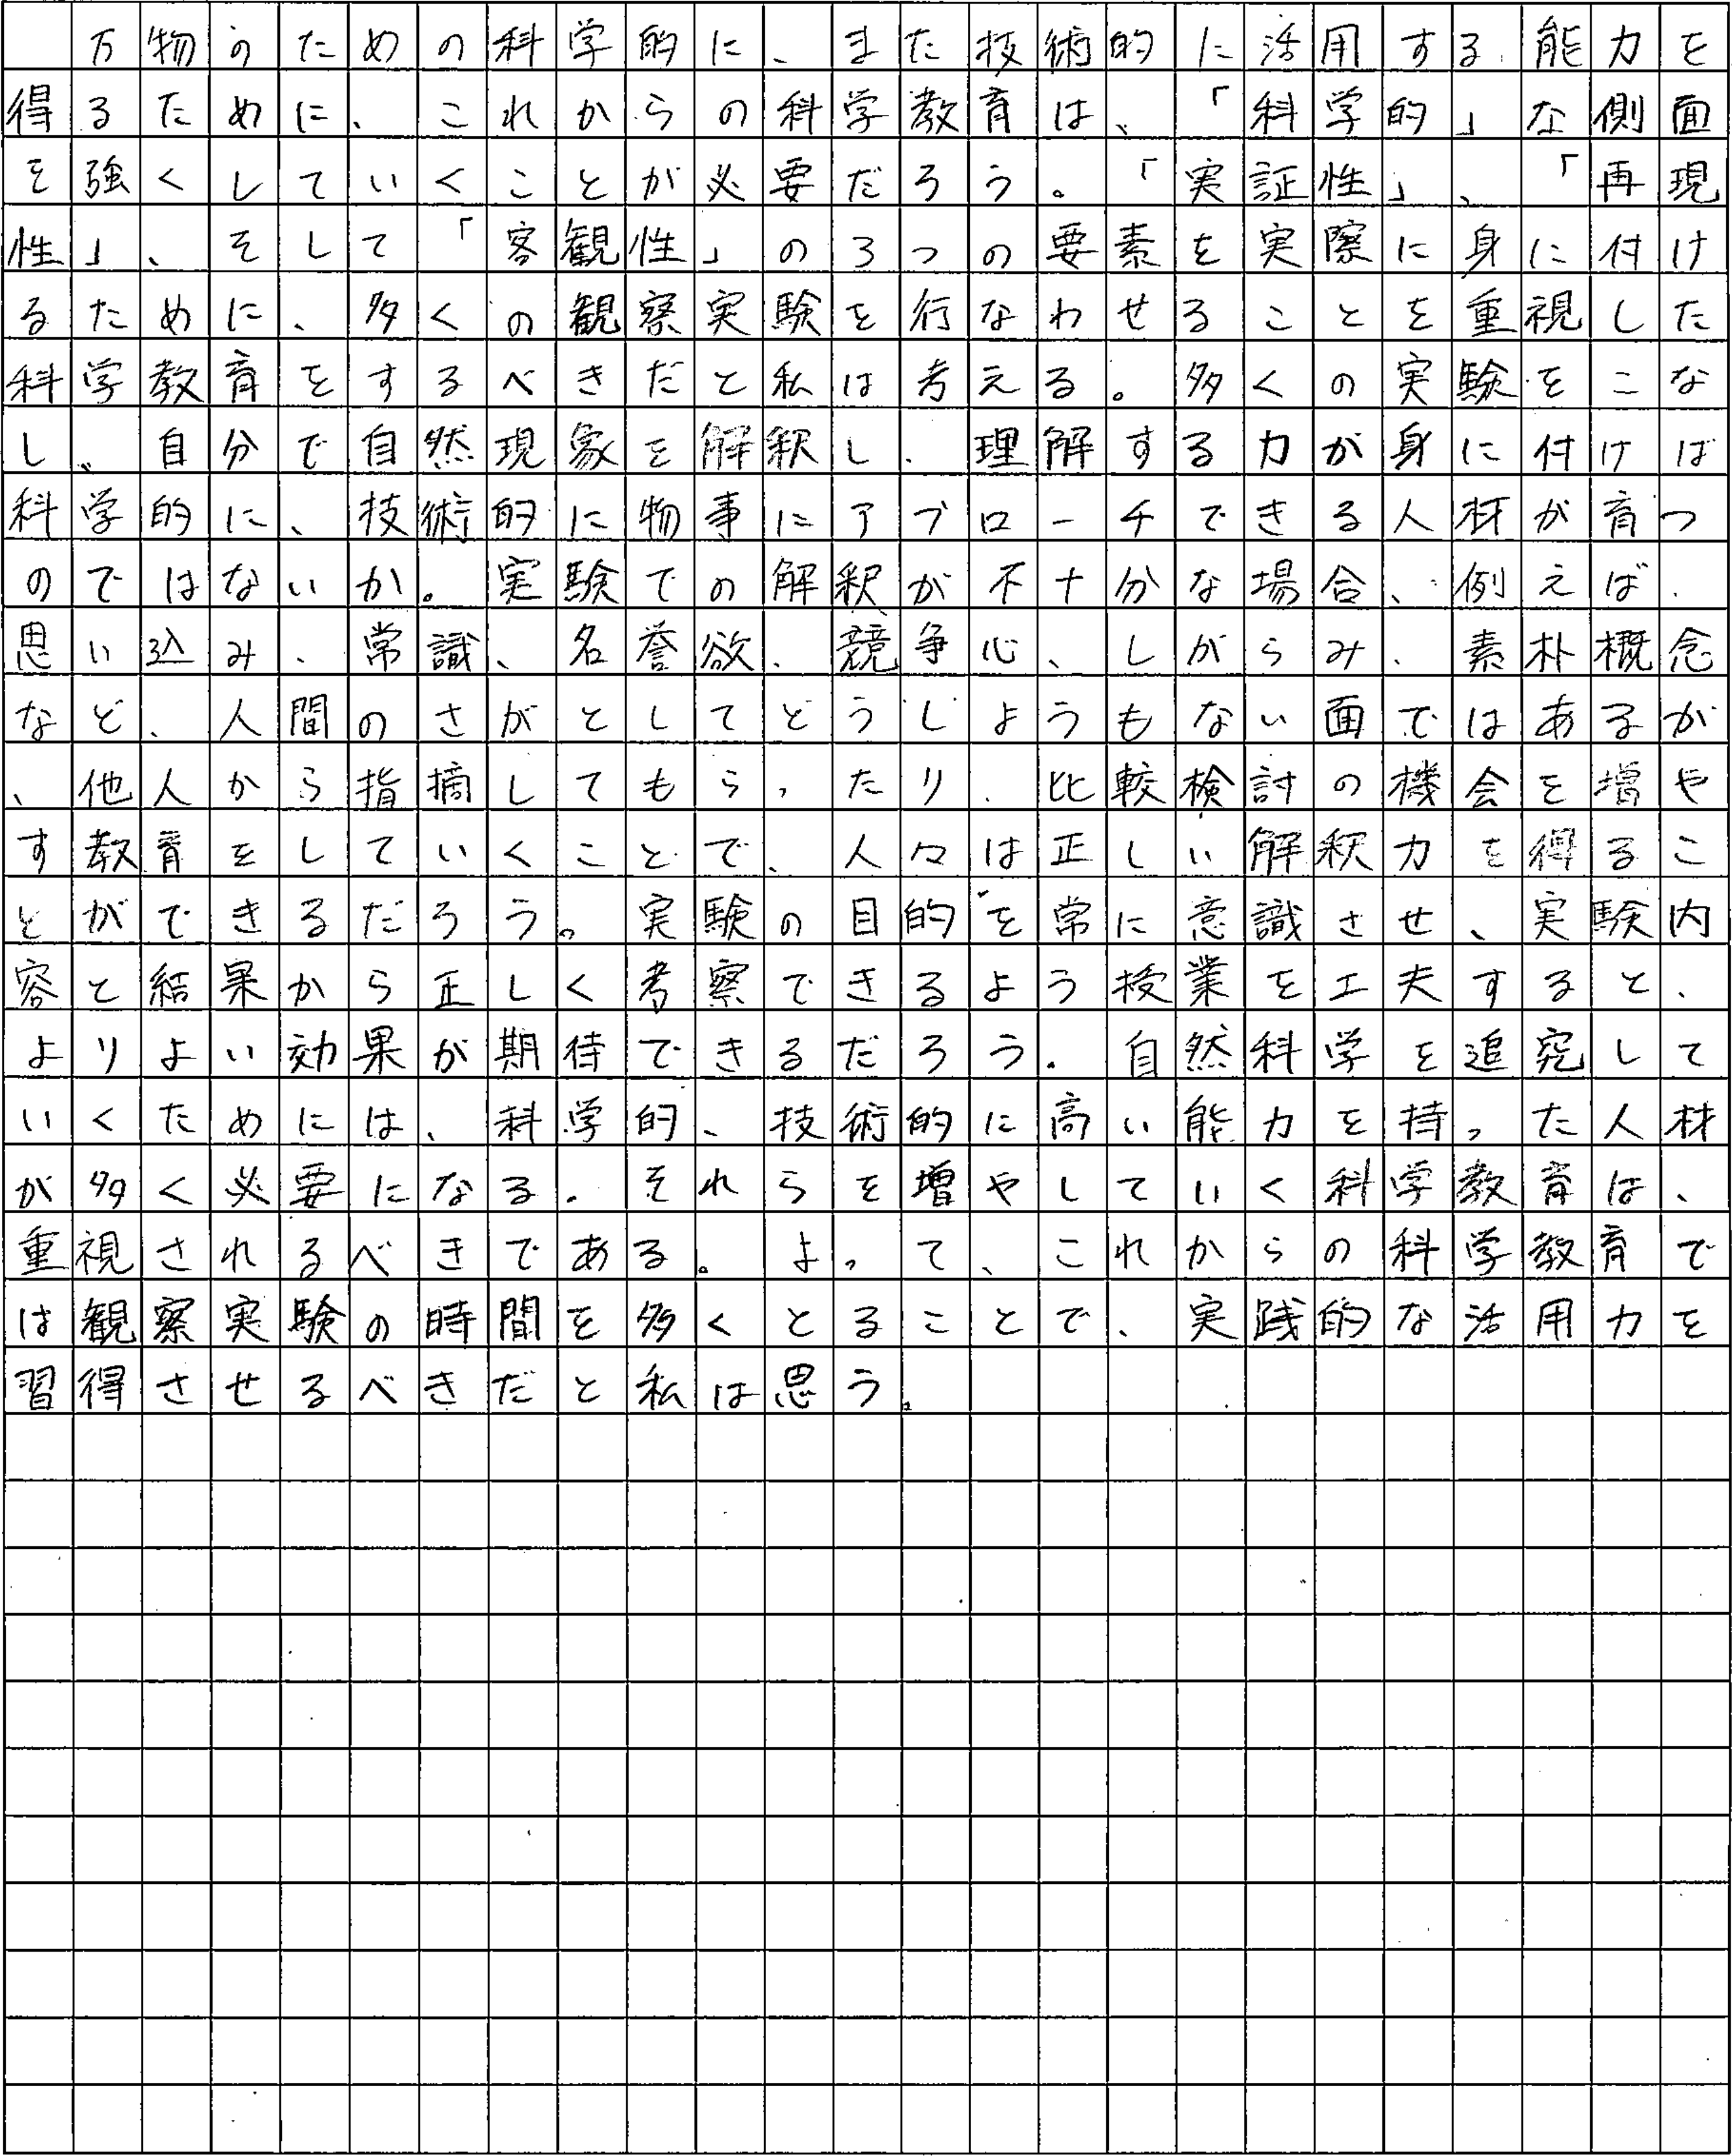　万物のための科学的に、また技術的に活用する能力を得るために、これからの科学教育は、「科学的」な側面を強くしていくことが必要だろう。「実証性」、「再現性」、そして「客観性」の３つの要素を実▁に身に付けるために、多くの観察実験を行なわせることを重視した科学教育をするべきだと私は考える。多くの実験をこなし、自分で自然現象を解釈し、理解する力が身に付けば科学的に、技術的に物事にアプローチできる人材が育つのではないか。実験での解釈が不十分な場合、例えば、思い込み、常識、名誉欲、競争心、しがらみ、素朴概念など、人間のさがとしてどうしようもない面ではあるが、他人から指摘してもらったり、比較検討の機会を増やす教育をしていくことで、人々は正しい解釈力を得ることができるだろう。実験の目的を常に意識させ、実験内容と結果から正しく考察できるよう授業を工夫すると、よりよい効果が期待できるだろう。自然科学を追究していくためには、科学的、技術的に高い能力を持った人材が多く必要になる。それらを増やしていく科学教育は、重視されるべきである。よって、これからの科学教育では観察実験の時間を多くとることで、実践的な活用力を習得させるべきだと私は思う。
